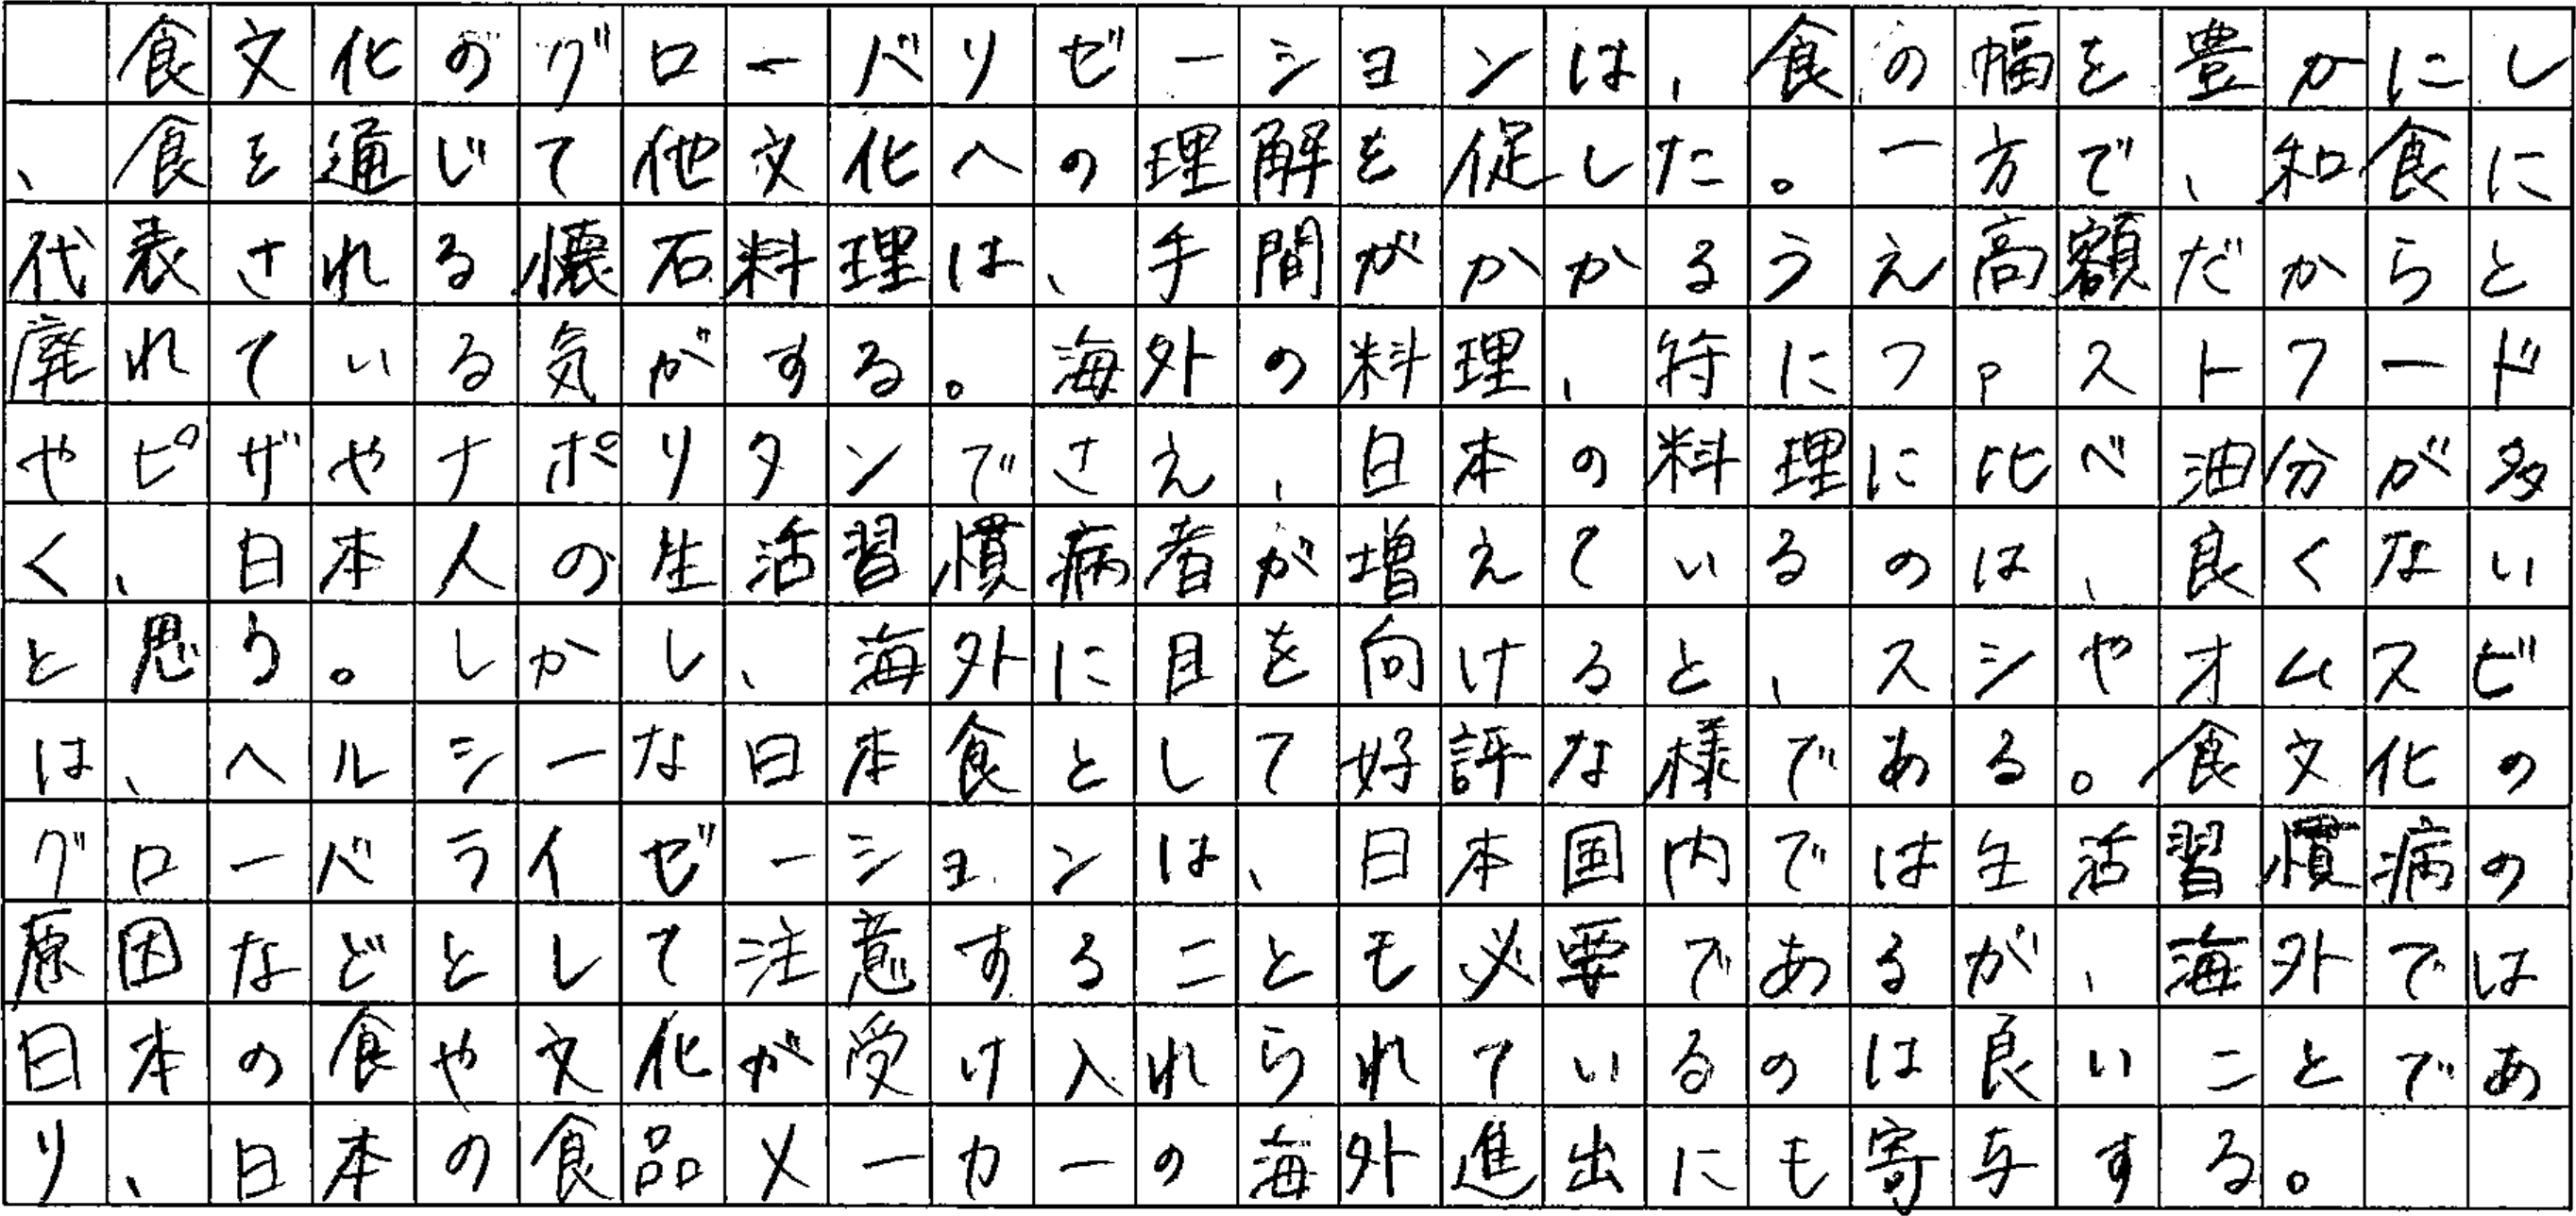　食文化のグローバリゼーションは、食の幅を豊かにし、食を通じて他文化への理解を促した。一方で、和食に代表される懐石料理は、手間がかかるうえ高額だからと廃れている気がする。海外の料理、特にファストフードやピザやナポリタンでさえ、日本の料理に比べ油分が多く、日本人の生活習慣病者が増えているのは、良くないと思う。しかし、海外に目を向けると、スシやオムスビは、ヘルシーな日本食として好評な様である。食文化のグローバライゼーションは、日本国内では生活習慣病の原因などとして注意することも必要であるが、海外では日本の食や文化が受け入れられているのは良いことであり、日本の食品メーカーの海外進出にも寄与する。
